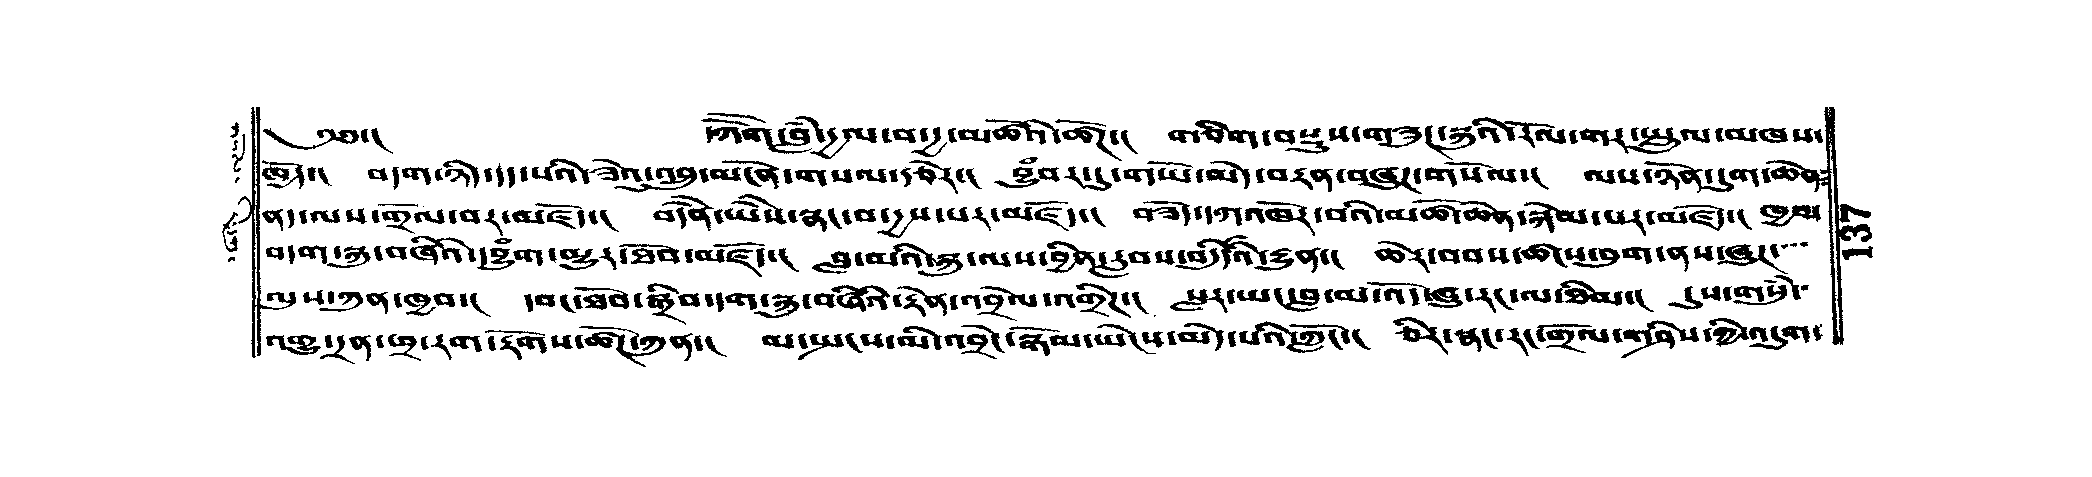།དཀོན་མཆོག་བླ་མ་རྒྱལ་བ་རྒྱ་མཚོའི་ཚོགས། །གཅིག་བསྡུས་གཟུགས་སྐུའི་རོལ་གར་སྤྲུལ་མཁས་
ཁྱོད། །བདག་ཉིད་དད་པའི་ཟེའུ་འབྲུ་མངོན་གསལ་རྩེར། །བྱང་ཆུབ་བར་དུ་གཡོ་མེད་བརྟན་བཞུགས་གསོལ། །ལས་ཉོན་དུག་ཆེན་
ནད་ལས་གྲོལ་བར་མཛོད། །བདེ་ཆེན་ཡེ་ཤེས་སྣང་བ་རྒྱས་པར་མཛོད། །བཟོད་དཀའ་འཁོར་བའི་མཚོ་ཆེན་སྐེམ་པར་མཛོད། །ཁྱབ་
བདག་སྐུ་བཞིའི་དབང་ཕྱུག་མྱུར་ཐོབ་མཛོད། །བླ་མའི་སྐུ་ལས་བྱིན་རླབས་བདུད་རྩིའི་རྒྱུན། །ཆེར་བབས་ཚངས་བུག་ནས་ཞུགས་
ལུས་ཀུན་ཁྱབ། །དབང་ཐོབ་སྒྲིབ་དག་སྐུ་བཞིའི་རྟེན་འབྲེལ་འགྲིགས། །སླར་ཡང་བླ་མ་འོད་ཞུ་རང་ལ་ཐིམ། །དུས་གསུམ་
འགྱུ་དྲན་ཕྲ་རག་རྟོག་ཚོགས་ཀུན། །མ་སྤངས་མི་འབྲང་སྒོམ་ཡེངས་མེད་པའི་ཀློང་། །ཅིར་སྣང་རང་གྲོལ་གཤིས་ཀྱི་འདུག་